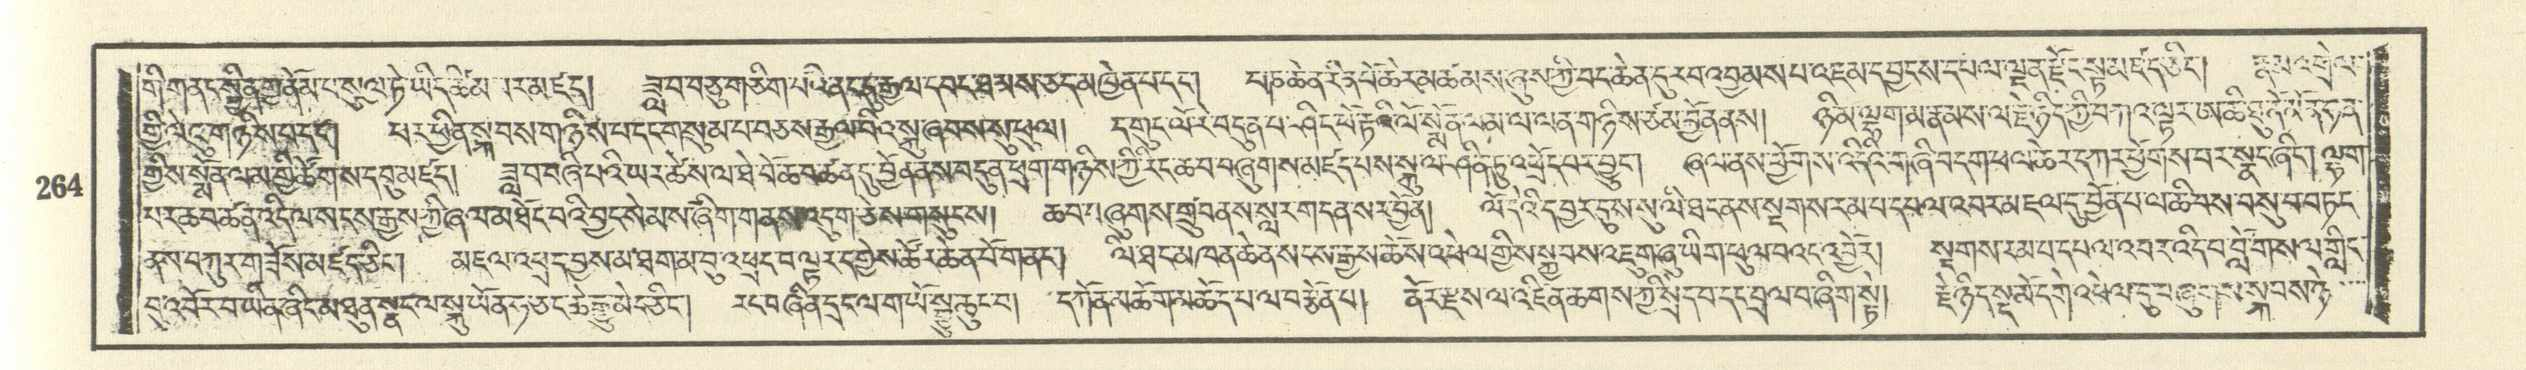གི་གནང་སྦྱིན་གྱ་ནོམ་པ་སྩལ་ཏེ་ཡིད་ཚིམ་པར་མཛད། ཟླ་བ་བཅུ་གཅིག་པའི་ནང་དུ་རྒྱལ་དབང་ཐམས་ཅད་མཁྱེན་པ་དང་། པཎ་ཆེན་རིན་པོ་ཆེར་མཚམས་ཞུས་ཀྱི་བང་ཆེན་དུ་རབ་འབྱམས་པ་འཇམ་དབྱངས་དཔལ་ལྡན་རྫོང་སྟ་མཛད་ཅིང་། རྣམ་འགྲེལ་
གྱི་ལེའུ་གཉིས་པ་དང་། ཕར་ཕྱིན་སྐབས་གཉིས་པ་དང་གསུམ་པ་བཅས་རྒྱལ་བའི་སྐུ་ཞབས་སུ་ཕུལ། དགུང་ལོ་རེ་བདུན་པ་ཤིང་ཕོ་རྟའི་ལོ་སྨོན་ལམ་ལ་ལན་གཉིས་ཙམ་བྱོན་ནས། ཉི་མ་ལྷག་མ་རྣམས་ལ་རྗེ་ཉིད་ཀྱི་བཀའ་ལྟར་ཨ་ཆི་ཐུ་ནོ་མོན་ཧན་
གྱིས་སྨོན་ལམ་གྱི་ཚོགས་དབུ་མཛད། ཟླ་བ་བཞི་པའི་ཡར་ཚེས་ལ་ཐེ་བོ་ཆབ་ཚན་དུ་བྱོན་ནས་བདུན་ཕྲག་གཉིས་ཀྱི་རིང་ཆབ་བཞུགས་མཛད་པས་སྐུ་ལ་ཤིན་ཏུ་འཕྲོད་པར་བྱུང་། ཞལ་ནས་ཕྱོགས་འདིའི་གཞི་བདག་ཕལ་ཆེར་དཀར་ཕྱོགས་བར་སྣང་ཞིང་། ལྷག་
བར་ཆབ་ཚན་འདི་ལ་སངས་རྒྱས་ཀྱི་ཞལ་མཐོང་བའི་བྱང་སེམས་ཞིག་གནས་འདུག་ཅེས་གསུངས། ཆབ་བཞུགས་གྲུབ་ནས་སླར་གདན་སར་བྱོན། ལོ་དེའི་དབྱར་དུས་སུ་ལི་ཐང་ནས་སྔགས་རམ་པ་དཔལ་འབར་མཇལ་དུ་བྱོན་པ་ལ་ཆིབས་བསུ་བ་བཏང་
ནས་བཀུར་གཟོས་མཛད་ཅིང་། མཇལ་འཕྲད་བྱས་མ་ཐག་མ་བུ་འཕྲད་པ་ལྷར་དགྱེས་ཚོར་ཆེན་པོ་གནང་། ལི་ཐང་མཁན་ཆེན་སངས་རྒྱས་ཆོས་འཕེལ་གྱིས་སྐྱབས་འཇུག་ཞུ་ཡིག་ཕུལ་བའང་འབྱོར། སྔགས་རམ་པ་དཔལ་འབར་འདི་པ་བློ་གསལ་གླིང་
བུ་འབོར་བ་ཡིན་ཞིང་མཐུན་སྣང་ལ་སྐུ་ཡོན་ཧ་ཅང་ཆེ་རྒྱུ་མེད་ཅིང་། རང་བཞིན་དྲང་ལ་གཡོ་སྒྱུ་ཆུང་བ། དཀོན་མཆོག་མཆོད་པ་ལ་བརྩོན་པ། ནོར་རྫས་ལ་འཛིན་ཆགས་ཀྱི་སྲེད་པ་དང་བྲལ་བ་ཞིག་སྟེ། རྗེ་ཉིད་སྔ་མོ་དགེ་འཕེལ་དུ་བཞུགས་སྐབས་ཉེ་